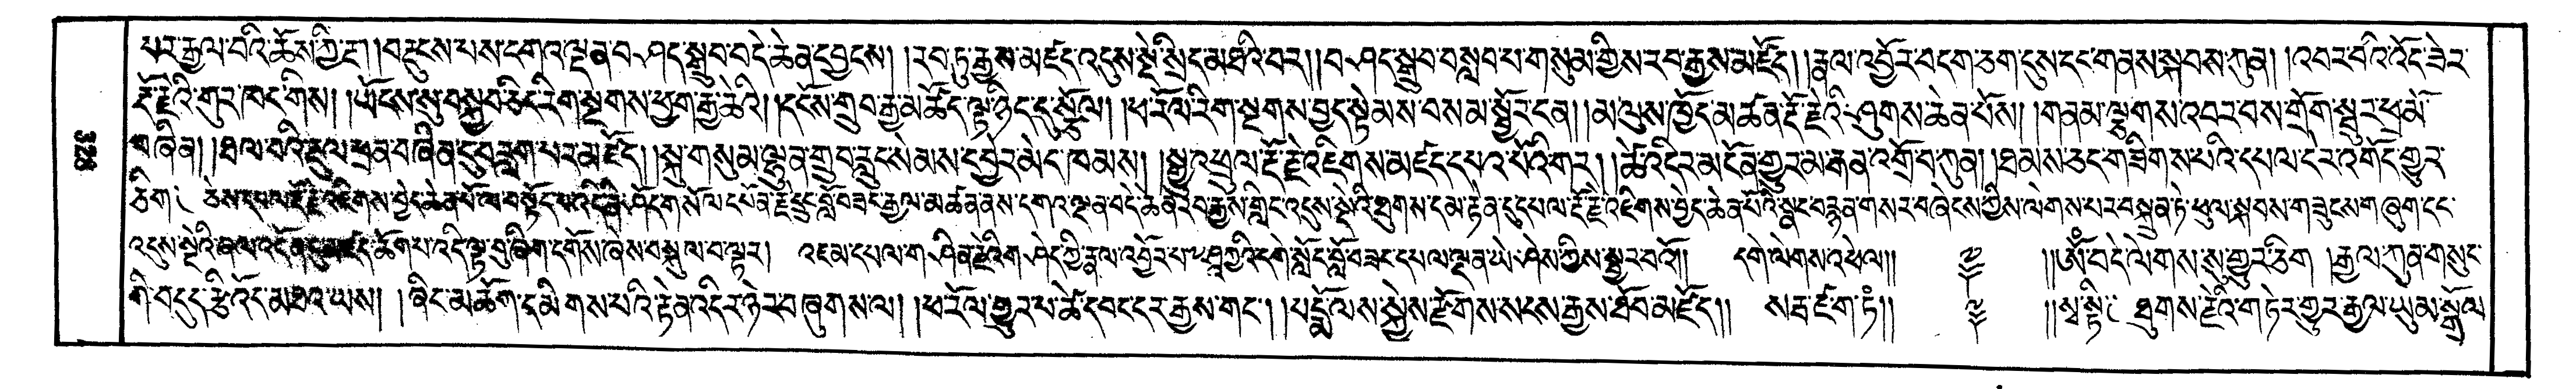པར་རྒྱལ་བའི་ཆོས་ཀྱི་རྡ། །བརྡུངས་བས་དགའ་ལྡན་བཤད་སྒྲུབ་བདེ་ཆེན་དབྱངས། །རབ་ཏུ་རྒྱས་མཛད་འདུས་སྡེ་སྲིད་མཐའི་བར། །བཤད་སྒྲུབ་བསླབ་པ་གསུམ་གྱིས་རབ་རྒྱས་མཛོད། །རྣལ་འབྱོར་བདག་ཅག་དུས་དང་གནས་སྐབས་ཀུན། །འབར་བའི་འོད་ཟེར་
རྡོ་རྗེའི་གུར་ཁང་གིས། །ཡོངས་སུ་བསྐྱབ་ཅིང་རིག་སྔགས་ཕྱག་རྒྱ་ཆེའི། །དངོས་གྲུབ་རྒྱ་མཚོ་ད་ལྟ་ཉིད་དུ་སྩོལ། །ཕ་རོལ་རིག་སྔགས་བྱད་སྟེམས་བསམ་སྦྱོར་ངན། །མ་ལུས་ཁྱོད་མཚན་རྡོ་རྗེའི་ཤུགས་ཆེན་པོས། །གནམ་ལྕགས་འབར་བས་གྲོག་སྦུར་ཕྲ་མོ་
བཞིན། །ཐལ་བའི་རྡུལ་ཕྲན་བཞིན་དུ་བརླག་པར་མཇོད། །སྐུ་གསུམ་ལྷུན་གྲུབ་རླུང་སེམས་དབྱེར་མེད་ཁམས། །སྒྱུ་འཕྲུལ་རྡོ་རྗེ་འཇིགས་མཛད་དཔའ་བོའི་གར། །ཚེ་འདིར་མངོན་གྱུར་མ་རྒན་འགྲོ་བ་ཀུན། །ཐམས་ཅད་གཟིགས་པའི་དཔལ་དེར་འགོད་གྱུར་
ཅིག༑ ཅེས་དཔལ་རྡོ་རྗེ་འཇིགས་བྱེད་ཆེན་པོ་ལ་བསྟོད་པ་འདི་ནི་ཤོད་གསོལ་དཔོན་རྗེ་དྲུང་བློ་བཟང་རྒྱལ་མཚན་ནས་དགའ་ལྡན་བདེ་ཆེན་རབ་རྒྱས་གླིང་འདུས་སྡེའི་ཐུགས་དམ་རྟེན་དུ་དཔལ་རྡོ་རྗེ་འཇིགས་བྱེད་ཆེན་པོའི་སྣང་བརྙན་གསར་བཞེངས་ཀྱིས་ལེགས་པར་བསྐྲུན་ཏེ་ཕུལ་སྐབས་གཟུངས་གཞུག་དང་
འདུས་སྡེའི་ཞལ་འདོན་དུ་མཛད་ཆོག་པ་འདི་ལྟ་བུ་ཞིག་དགོས་ཞེས་བསྐུལ་བ་ལྟར། ༧་འཇམ་དཔལ་གཤིན་རྗེའི་གཤེད་ཀྱི་རྣལ་འབྱོར་པ ༧ཤཱཀྱའི་དགེ་སློང་བློ་བཟང་དཔལ་ལྡན་ཡེ་ཤེས་ཀྱིས་སྦྱར་བའོ།། དགེ་ལེགས་འཕེལ།། །།ཨོཾ་བདེ་ལེགས་སུ་གྱུར་ཅིག །རྒྱལ་ཀུན་གསུང་
གི་བདུད་རྩི་འོད་མཐའ་ཡས། །ཞིང་མཆོག་དམིགས་པའི་རྟེན་འདིར་ཉེར་བཞུགས་ལ། །ཕ་རོལ་གྱུར་པ་ཚེ་དབང་དར་རྒྱས་གང་། །པདམོ་ལས་སྐྱེས་རྫོགས་སངས་རྒྱས་ཐོབ་མཛོད། །སརྦ་ཛ་ག་ཏཾ།། །།སྭསྟི༑ ཐུགས་རྗེའི་གཏེར་གྱུར་རྒྱལ་ཡུམ་སྒྲོལ།